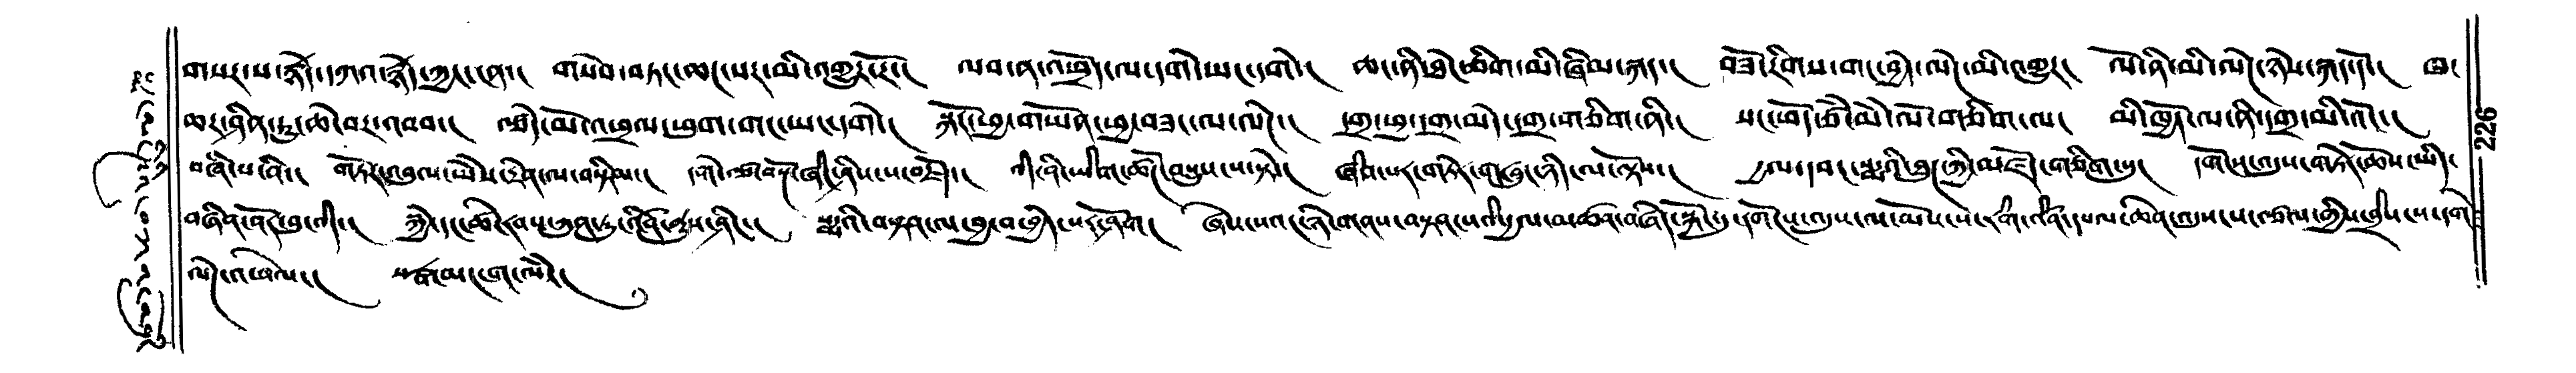།གསར་པ་རྙེད་དཀའ་རྙེད་ཀྱང་ངན། །གསེབ་བཏང་ཆགས་པར་མི་འགྱུར་རོ། །ལབ་ན་འཕྲོད་ལ་དགེ་ཡང་དགེ །ཆང་ནི་ཐེངས་ཤིག་མི་ཞིམ་སྐད། །བཟོ་རིགས་གང་བྱེད་ལེགས་མི་འགྱུར། །ལོ་ནི་མི་ལེགས་ཉེས་སྐད་དོ། ཁ་
ཆར་ཤིན་ཏུ་ཆེ་བར་འབབ། །རྩེད་མོ་འཕྲལ་ཕུགས་གང་ཡང་དགེ །སྐོར་ཕྱྭ་ཡོན་ཕྱྭ་བཟང་ལ་ལེགས། །དགྲ་ཕྱྭ་དགྲ་མེད་དགྲ་གཅིག་ནི། །སང་ཕོད་ཙམ་མམ་ལོ་གཅིག་ལ། །མི་ཁྱོད་ལ་ནི་དགྲ་མི་འོང་། 
བཞི་པ་ནི། གཏོར་འབུལ་ཡེ་ཤེས་རྟེན་ལ་བསྟིམ། །དགེ་རྩ་བསྔོ་ཞིང་ཤིས་པ་བརྗོད། །འདི་ནི་ཡིག་ཚོགས་བསྡུས་པ་སྟེ། །ཞིབ་པར་གཏེར་གཞུང་ཉིད་ལ་ལྟོས། །རྒྱལ་དབང་པདྨའི་ཐུགས་ཀྱི་མཛོད་གཅིག་པུ། །དགོངས་འདུས་གཏེར་ཆོས་ཡིད་
བཞིན་ནོར་བུ་འདི། །སྐྱེད་དང་ཚེ་རབས་ཀུན་ཏུ་འཛིན་ནུས་ཤིང་། །པདྨའི་བསྟན་ལ་བྱ་བ་བྱེད་པར་ཤོག ཞེས་པའང་ཉེ་གནས་བསྟན་པའི་རྒྱལ་མཚན་བཞེད་སྐོང་དུ་དགོངས་འདུས་ལ་མོས་པ་རིག་འཛིན་དཔལ་ཆེན་འདུས་པ་རྩལ་གྱིས་བྲིས་པ་དགེ་
ལེགས་འཕེལ།། སརྦ་མངྒ་ལམ།།